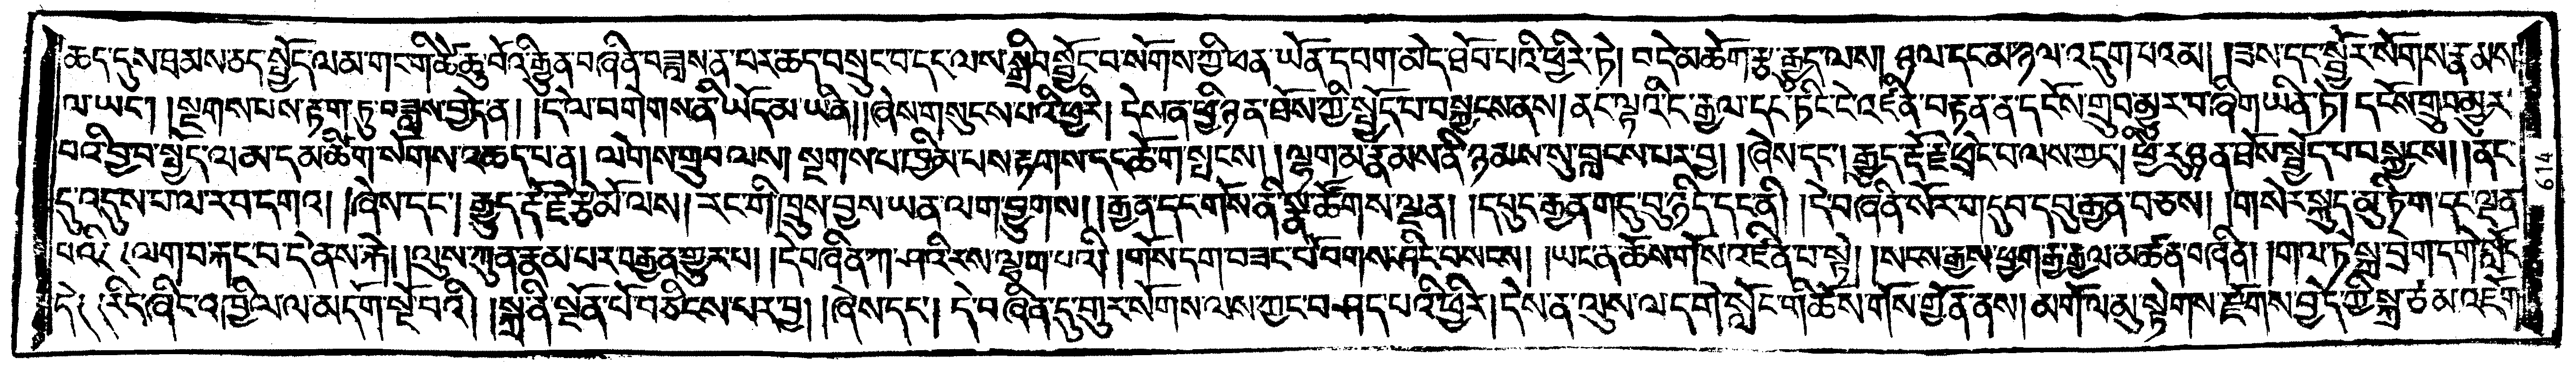ཆད་དུས་ཐམས་ཅད་སྤྱོད་ལམ་གང་གི་ཚེ་ཆུ་བོའི་རྒྱུན་བཞིན་བཟླས་ན་བར་ཆད་བསྲུང་བ་དང་ལས་སྒྲིབ་སྦྱོང་བ་སོགས་ཀྱི་ཕན་ཡོན་དཔག་མེད་ཐོབ་པའི་ཕྱིར་ཏེ། བདེ་མཆོག་རྩ་རྒྱུད་ལས། ཉལ་དང་མཉམ་འདུག་པའམ། །ཟས་དང་སྦྱོར་སོགས་རྣམས་
ལ་ཡང་། །སྔགས་པས་རྟག་ཏུ་བཟླས་བྱེད་ན། །དེ་ལ་བགེགས་ནི་ཡོད་མ་ཡིན། །ཞེས་གསུངས་པའི་ཕྱིར། དེས་ན་ཕྱི་ཉན་ཐོས་ཀྱི་སྤྱོད་པ་བསྐྱངས་ནས། ནང་ལྟའི་ང་རྒྱལ་དང་ཏིང་ངེ་འཛིན་བརྟན་ན་དངོས་གྲུབ་མྱུར་བ་ཞིག་ཡིན་ཏེ། དངོས་གྲུབ་མྱུར་
བའི་བྱ་བ་སྤྱོད་ལམ་དམ་ཚིག་སོགས་འཆད་པ་ན། ལེགས་གྲུབ་ལས། སྔགས་པ་ཁྱིམ་པས་རྟགས་དང་ཆོ་ག་སྤངས། །ལྷག་མ་རྣམས་ནི་ཉམ་སུ་བླངས་པར་བྱ། །ཞེས་དང་། རྒྱུད་རྡོ་རྗེ་ཕྲེང་བ་ལས་ཀྱང་། ཕྱི་རུ་ཉན་ཐོས་སྤྱོད་པ་བསྐྱངས། །ནང་
དུ་འདུས་པ་ལ་རབ་དགའ། །ཞེས་དང་། རྒྱུད་རྡོ་རྗེ་རྩེ་མོ་ལས། རང་གི་ཁྲུས་བྱས་ཡན་ལག་བྱུགས། །རྒྱན་དང་གོས་ནི་སྣ་ཚོགས་ལྡན། །དཔུང་རྒྱན་གདུ་བུ་ཉིད་དང་ནི། །དེ་བཞིན་སོར་གདུབ་དབུ་རྒྱན་བཅས། །གསེར་སྐུད་མུ་ཏིག་དང་ལྡན་
པའི༑ ༑ལག་པ་རྐང་བ་དེ་ནས་རྐེ། །ལུས་ཀུན་རྣམ་པར་བརྒྱན་གྱུར་པ། །དེ་བཞིན་ཀ་ཤའི་རས་ལྷག་པའི། །གོས་དག་བཟང་པོ་བགས་ཤིང་བསངས། །ཡང་ན་ཆོས་གོས་འཛིན་པ་སྟེ། །སངས་རྒྱས་ཕྱག་རྒྱ་རྒྱལ་མཚན་བཞིན། །གལ་ཏེ་སྐྲ་བྲེག་དགེ་སློང་
དེ༑ ༑རིང་ཞིང་འཁྱིལ་ལ་མདོག་སྔོ་བའི། །སྐྲ་ནི་སྔོན་པོ་བཅིངས་པར་བྱ། །ཞེས་དང་། དེ་བཞིན་དུ་གུར་སོགས་ལས་ཀྱང་བཤད་པའི་ཕྱིར། དེས་ན་ལུས་ལ་དགེ་སློང་གི་ཆོས་གོས་གྱོན་ནས། མགོ་ལ་མུ་སྟེགས་རྫོགས་བྱེད་ཀྱི་སྐྲ་ཙམ་འཇོག་